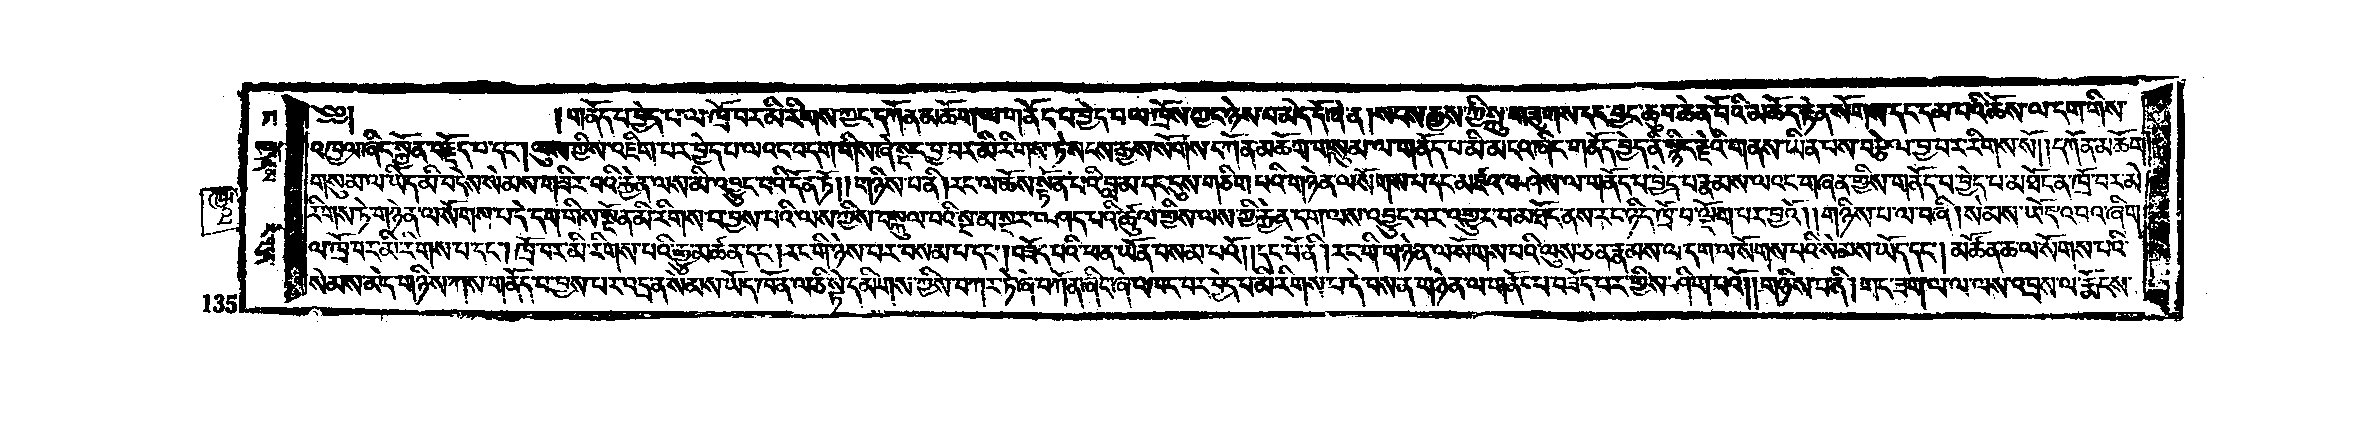༄༅། །གོན་པ་བྱེད་པ་ལ་ཁྲོ་བར་མི་རིགས་ཀྱང་དཀོན་མཆོག་ལ་གནོད་པ་བྱེད་པ་ལ་ཁྲོས་ཀྱང་ཉེས་པ་མེད་དོ་ཞེ་ན། སངས་རྒྱས་ཀྱི་སྐུ་གཟུགས་དང་བྱང་ཆུབ་ཆེན་པོའི་མཆོད་རྟེན་སོགས་དང་དམ་པའི་ཆོས་ལ་དག་གིས་
འཁྱལ་ཞིང་སྐྱོན་བརྗོད་པ་དང་། ལུས་ཀྱིས་འཇིག་པར་བྱེད་པ་ལའང་བདག་གིས་ཞེ་སྡང་བྱ་བར་མི་རིགས་ཏེ་སངས་རྒྱས་སོགས་དཀོན་མཆོག་གསུམ་ལ་གནོད་པ་མི་མངའ་ཞིང་གནོད་བྱེད་ནི་སྙིང་རྗེའི་གནས་ཡིན་པས་བརྩེལ་བྱ་བར་རིགས་སོ། །དཀོན་མཆོག་
གསུམ་ལ་ཡིད་མི་བདེས་སེམས་གཟིར་བའི་རྐྱེན་ལས་མི་འབྱུང་བའི་དོན་ཏོ། །གཉིས་པ་ནི། རང་ལ་ཆོས་སྟོན་པའི་བླ་མ་དང་དུས་གཅིག་པའི་གཉེན་ལ་སོགས་པ་དང་མཛའ་བཤེས་ལ་གནོད་པ་བྱེད་པ་རྣམས་ལའང་གཞན་གྱིས་གནོད་པ་བྱེད་པ་མཐོང་ན་ཁྲོ་བར་མི་
རིགས་ཏེ་གཉེན་ལ་སོགས་པ་དེ་དག་གིས་སྔོན་མི་རིགས་པ་བྱས་པའི་ལས་ཀྱིས་བསྐུལ་བའི་སྔ་མ་སྔར་བཤད་པའི་ཚུལ་གྱིས་ལས་ཀྱི་རྐྱེན་དག་ལས་འབྱུང་བར་འགྱུར་བ་མཐོང་ནས་རང་ཉིད་ཁྲོ་བ་ལྡོག་པར་བྱའོ། །གཉིས་པ་ལ་བཞི། སེམས་ཡོད་འབའ་ཞིག་
ལ་ཁྲོ་བར་མི་རིགས་པ་དང་། ཁྲོ་བར་མི་རིགས་པའི་རྒྱུ་མཚན་དང་། རང་གི་ཉེས་པར་བསམ་པ་དང་། བཟོད་པའི་ཕན་ཡོན་བསམ་པའོ། །དང་པོ་ནི། རང་གི་གཉེན་ལ་སོགས་པའི་ལུས་ཅན་རྣམས་ལ་དག་ལ་སོགས་པའི་སེམས་ཡོད་དང་། མཚོན་ཆ་ལ་སོགས་པའི་
སེམས་མེད་གཉིས་ཀས་གནོད་པ་བྱས་པར་འདྲ་ན་སེམས་ཡོད་ཁོ་ན་ལ་ཅི་སྟེ་དམིགས་ཀྱིས་བཀར་ཏེ་ཞེ་བཀོན་ཞིང་ཞེ་འཁང་བར་བྱེད་པ་མི་རིགས་པ་དེ་བས་ན་གཉེན་ལ་གནོད་པ་བཟོད་པར་གྱིས་ཤིག་པའོ། །གཉིས་པ་ནི། གང་ཟག་ལ་ལ་ལས་འབྲས་ལ་རྨོངས་